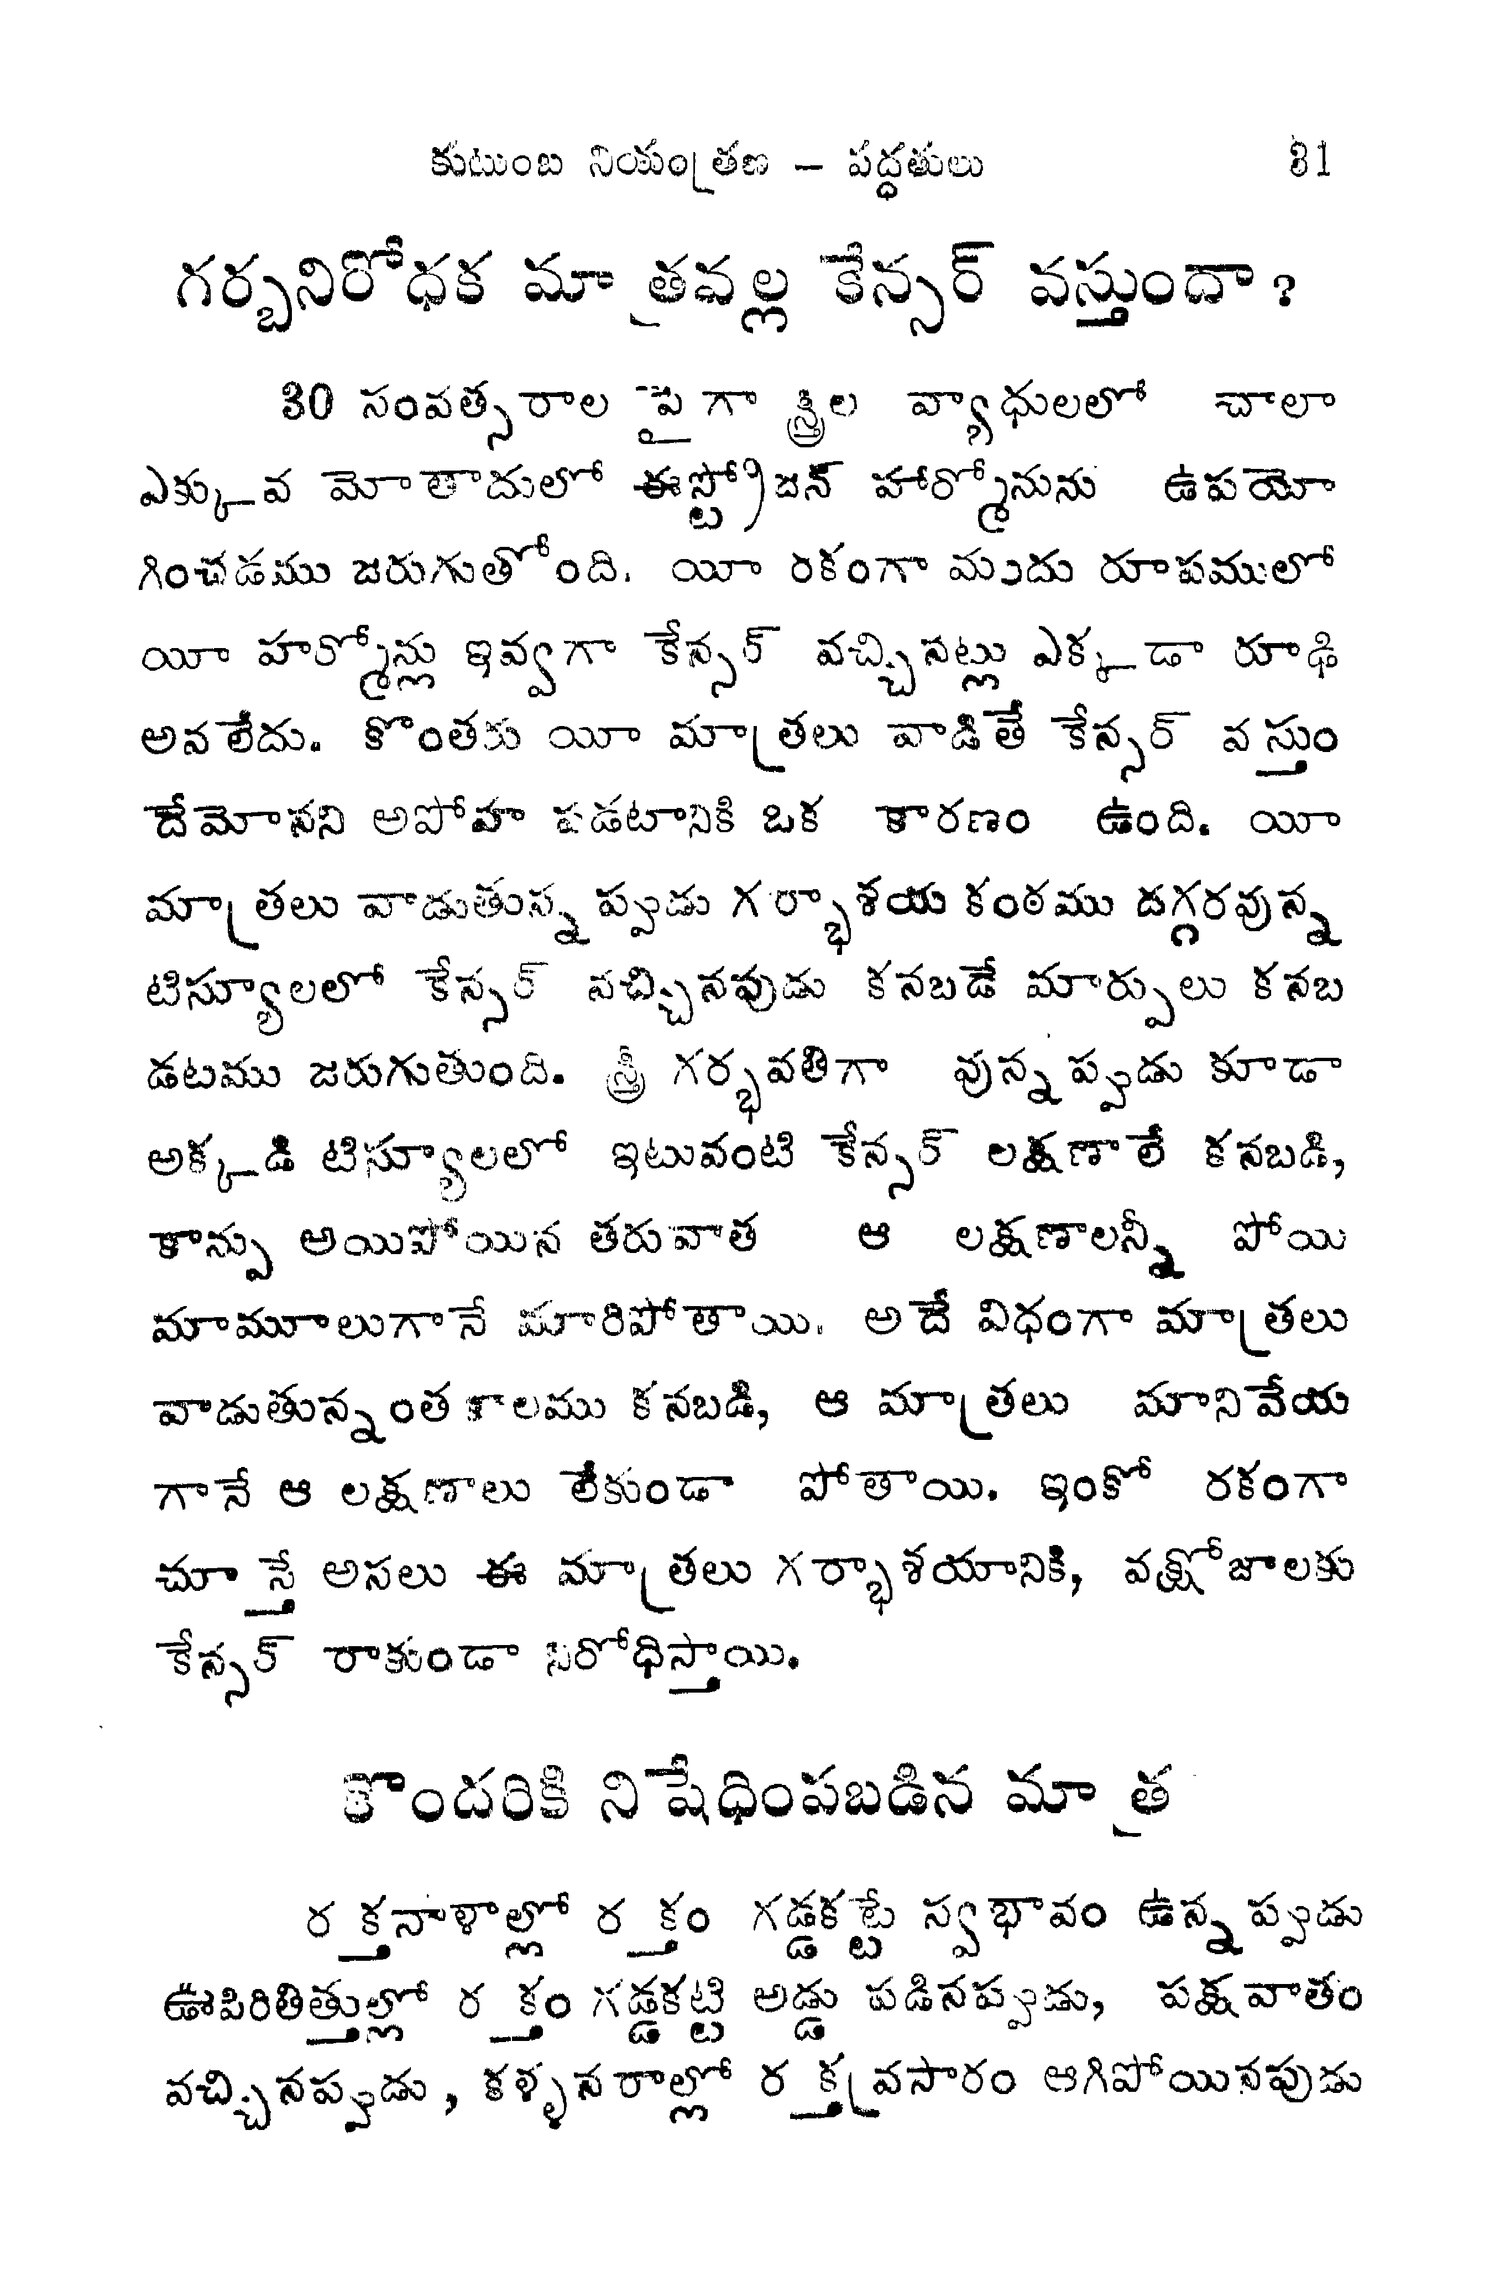30 సంవత్సరాల పైగా స్త్రీల వ్యాధులలో చాలా ఎక్కువ మోతాదులో ఈష్ట్రొజన్ హార్మోనును ఉపయోగించడము జరుగుతోంది. యీ రకంగా మందు రూపములో యీ హార్మోన్లు ఇవ్వగా కేన్సర్ వచ్చినట్లు ఎక్కడా రూఢి అవలేదు. కొందరు యీమాత్రలు వాడితే కేన్సర్ వస్తుందేమోనని ఆపోహ పడటానికి ఒక కారణం ఉంది. యీ మాత్రలు వాడుతున్నప్పుడు గర్భాశయ కంఠము దగ్గరవున్న టిస్యూలలో కేన్సర్ వచ్చినపుడు కనబడే మార్పులు కనబడటము జరుగుతుంది. స్త్రీ గర్బవతిగా వున్నప్పుడు కూడా అక్కడి టిస్యూలలో ఇటువంటి కేన్సర్ లక్షణాలే కనబడి, కాన్పు అయిపోయిన తరువాత ఆ లక్షణాలన్నీ పోయి మామూలుగానే మారిపొతాయి. అదే విధంగా మాత్రలు వాడుతున్నంతకాలము కనబడి, ఆ మాత్రలు మానివేయగానే ఆ లక్షణాలు లేకుండా పోతాయి. ఇంకో రకంగా చూస్తే అసలు ఈ మాత్రలు గర్భాశయానికి, వక్షోజాలకు కేన్సర్ రాకుండా నిరోధిస్తాయి.

రక్తనాళాల్లో రక్తం గడ్డకట్టే స్వభావం ఉన్నప్పడు ఊప్రితిత్తుల్లో రక్తం గడ్డకట్టి అడ్దు పడినప్పుడు, పక్షవాతం వచ్చినప్పుడు, కళ్ళనరాల్లో రక్తప్రసారం ఆగిపొయినపుడు